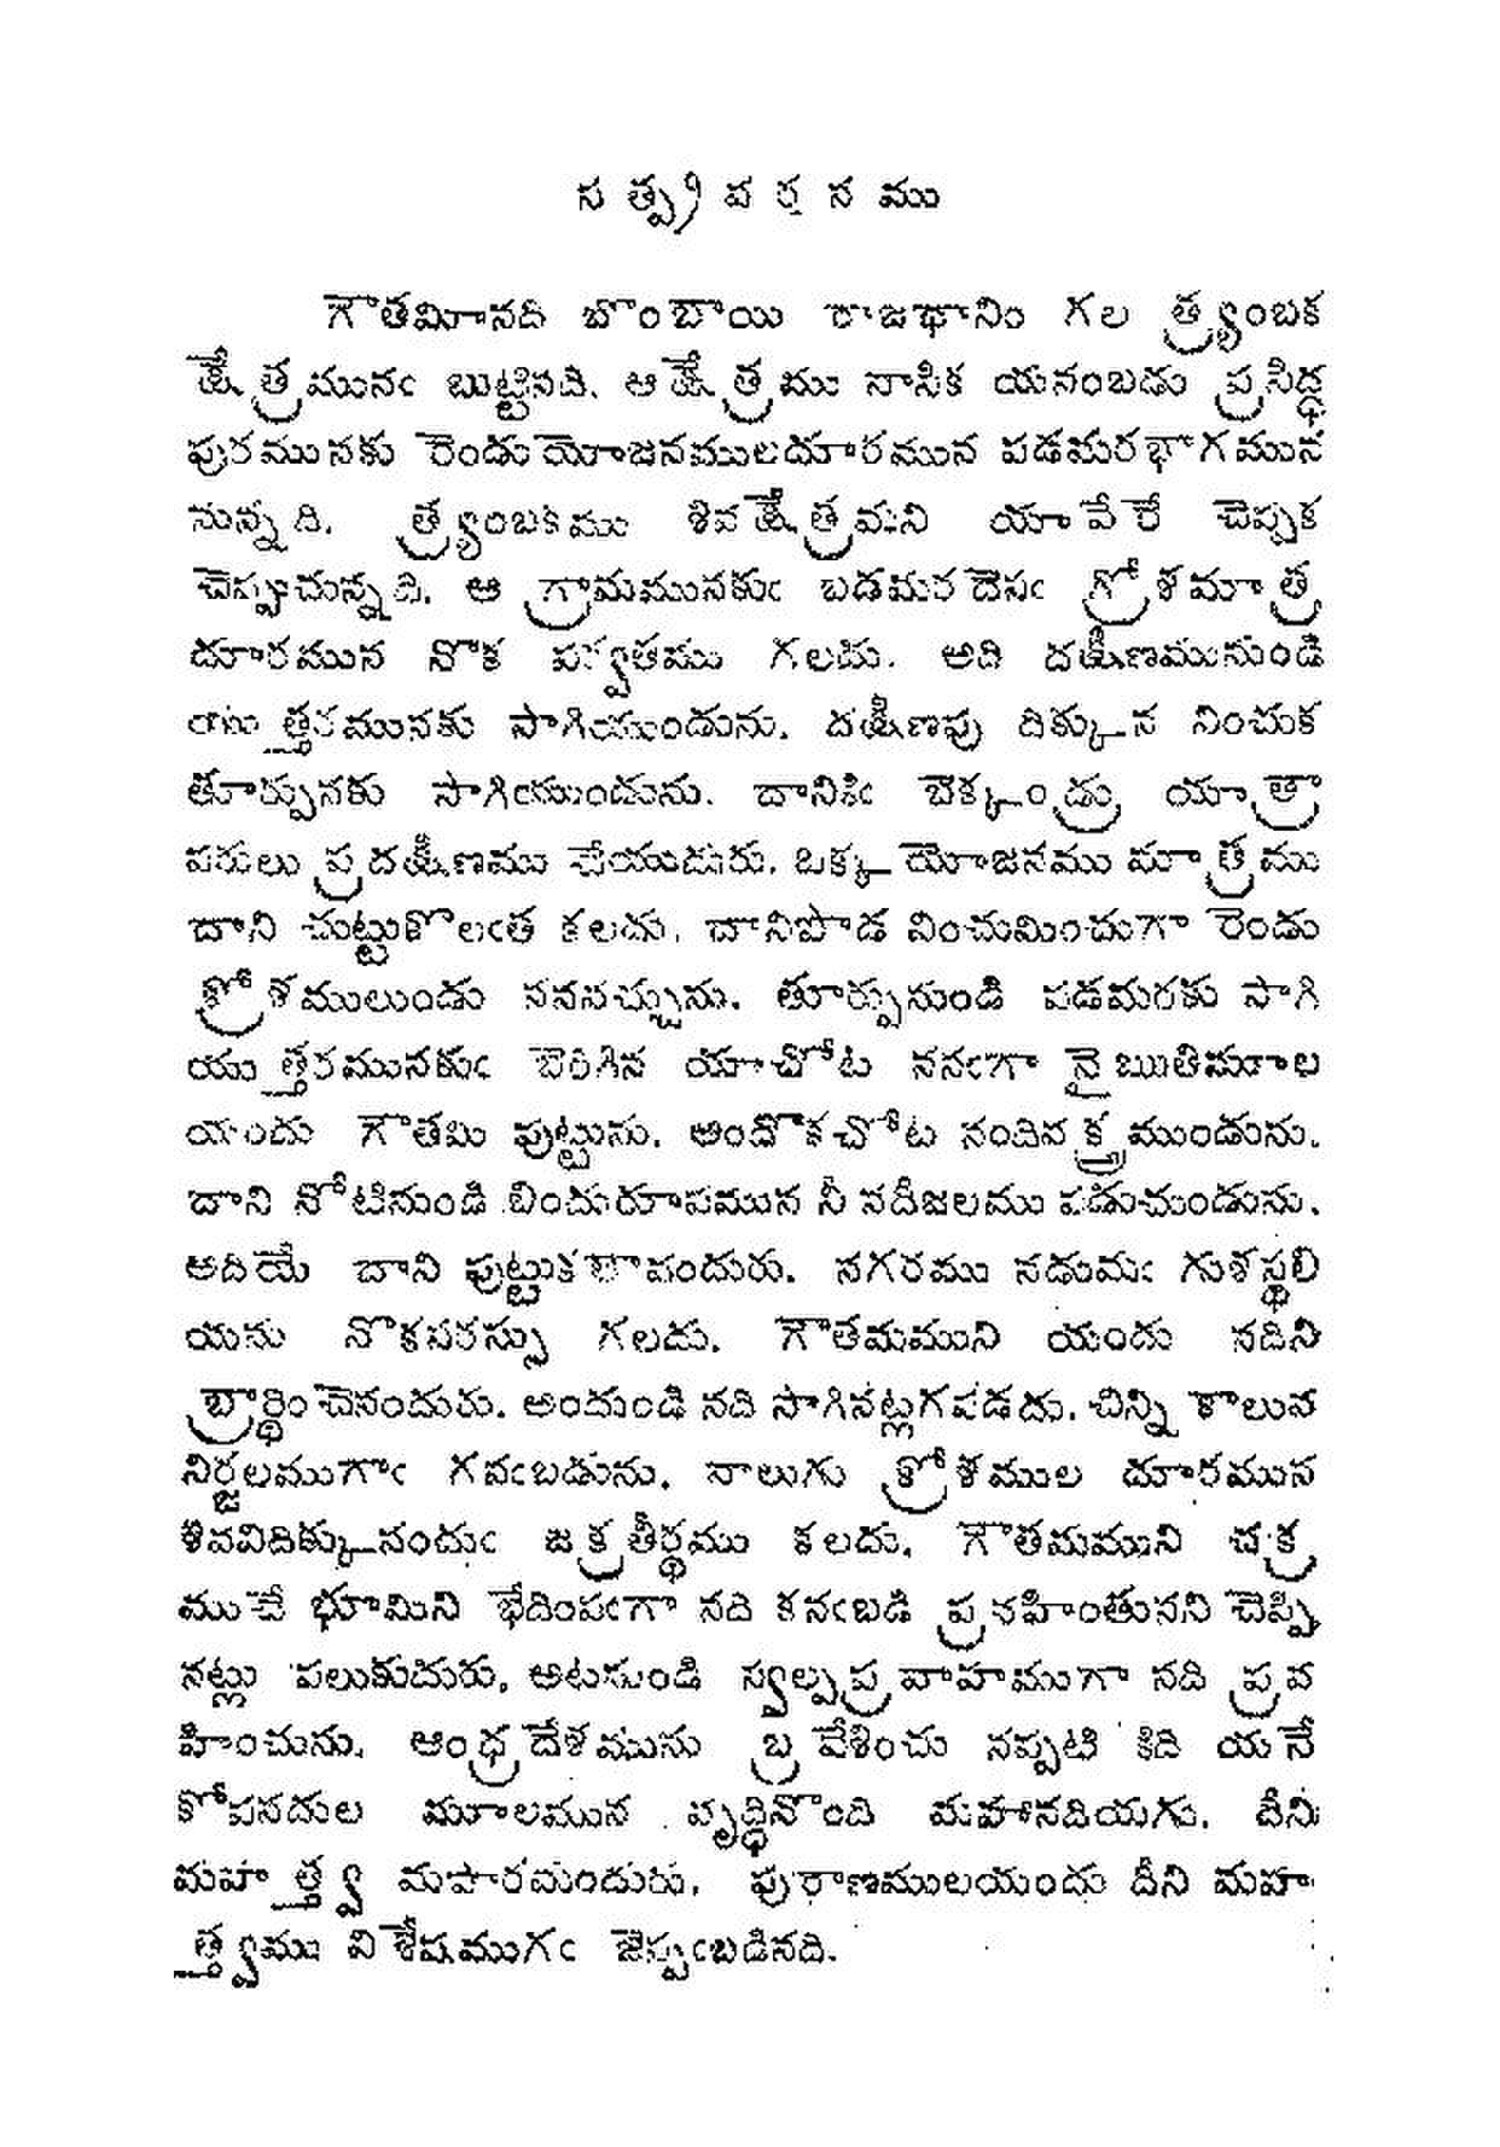గౌతమీనది బొంబాయి రాజధానిం గల త్వంబక క్షేత్రమున బుట్టినది, ఆ క్షేత్రము నాసిక యనంబడు ప్రసిద్ధ పురమునకు రెండు యోజనముల దూరమున పడమర భాగమున నున్నది. త్ర్యంబకము శివ క్షేత్రమని యా వేరే చెప్పక చెప్పుచున్నది. ఆ గ్రామమునకుఁ బడమర దెశ దాసం గోశమాత్ర దూరమున నొక పర్వతము గలదు. అది దక్షిణము నుండి ఉత్తరమునకు సాగియుండును. దక్షిణపు దిక్కున నించుక తూర్పునకు సాగియుండును. దానికి బెక్కండ్రు, యాత్రా పరులు ప్రదక్షిణము చేయుదురు. ఒక్క యోజనము మాత్రము దాని చుట్టుకొలత కలదు, దాని పొడ నించుమించుగా రెండు గోశములుండు ననవచ్చును. తూర్పు నుండి పడమరకు సాగి యుత్తరమునకుఁ బెరిగిన యాచోట ననంగా నైఋతి మూల యందు గౌతమి పుట్టును, అందొకచోట నందివక్త్ర ముండును. దాని నోటినుండి బిందు రూపమున నీ నదీజలముప డుచుండును, అదియే దాని పుట్టుక వందురు. సగరము నడుమ గుశస్థలి యను నొక సరస్సు గలదు. గౌతమముని యందు నదిని బార్లించెనందురు. అందుండి నది సాగినట్లగపడదు. దీన్ని కాలువ నిర్జలముగాఁ గవబడును, నాలుగు కోశముల దూరమున ఇవవిదిక్కునందుఁ ఒక తీర్థము కలదు. గౌతమముని చక్రముచే భూమిని "భేదింపఁగా నది కనఁబడి ప్రవహింతునని చెప్పి నట్లు పలుకుదురు, అటునుండి స్వల్ప ప్రవాహముగా నదీ ప్రవహించును. ఆంధ్ర దేశమును బ్రవేశించు నప్పటి కిది య నే కోపనదుల మూలమున వృద్ధినొంది మహానదియగు. దీని మహత్త్వ మపారమందురు, పురాణముటయందు దీని మహత్వము విశేషముగఁ జెప్పఁబడినది.